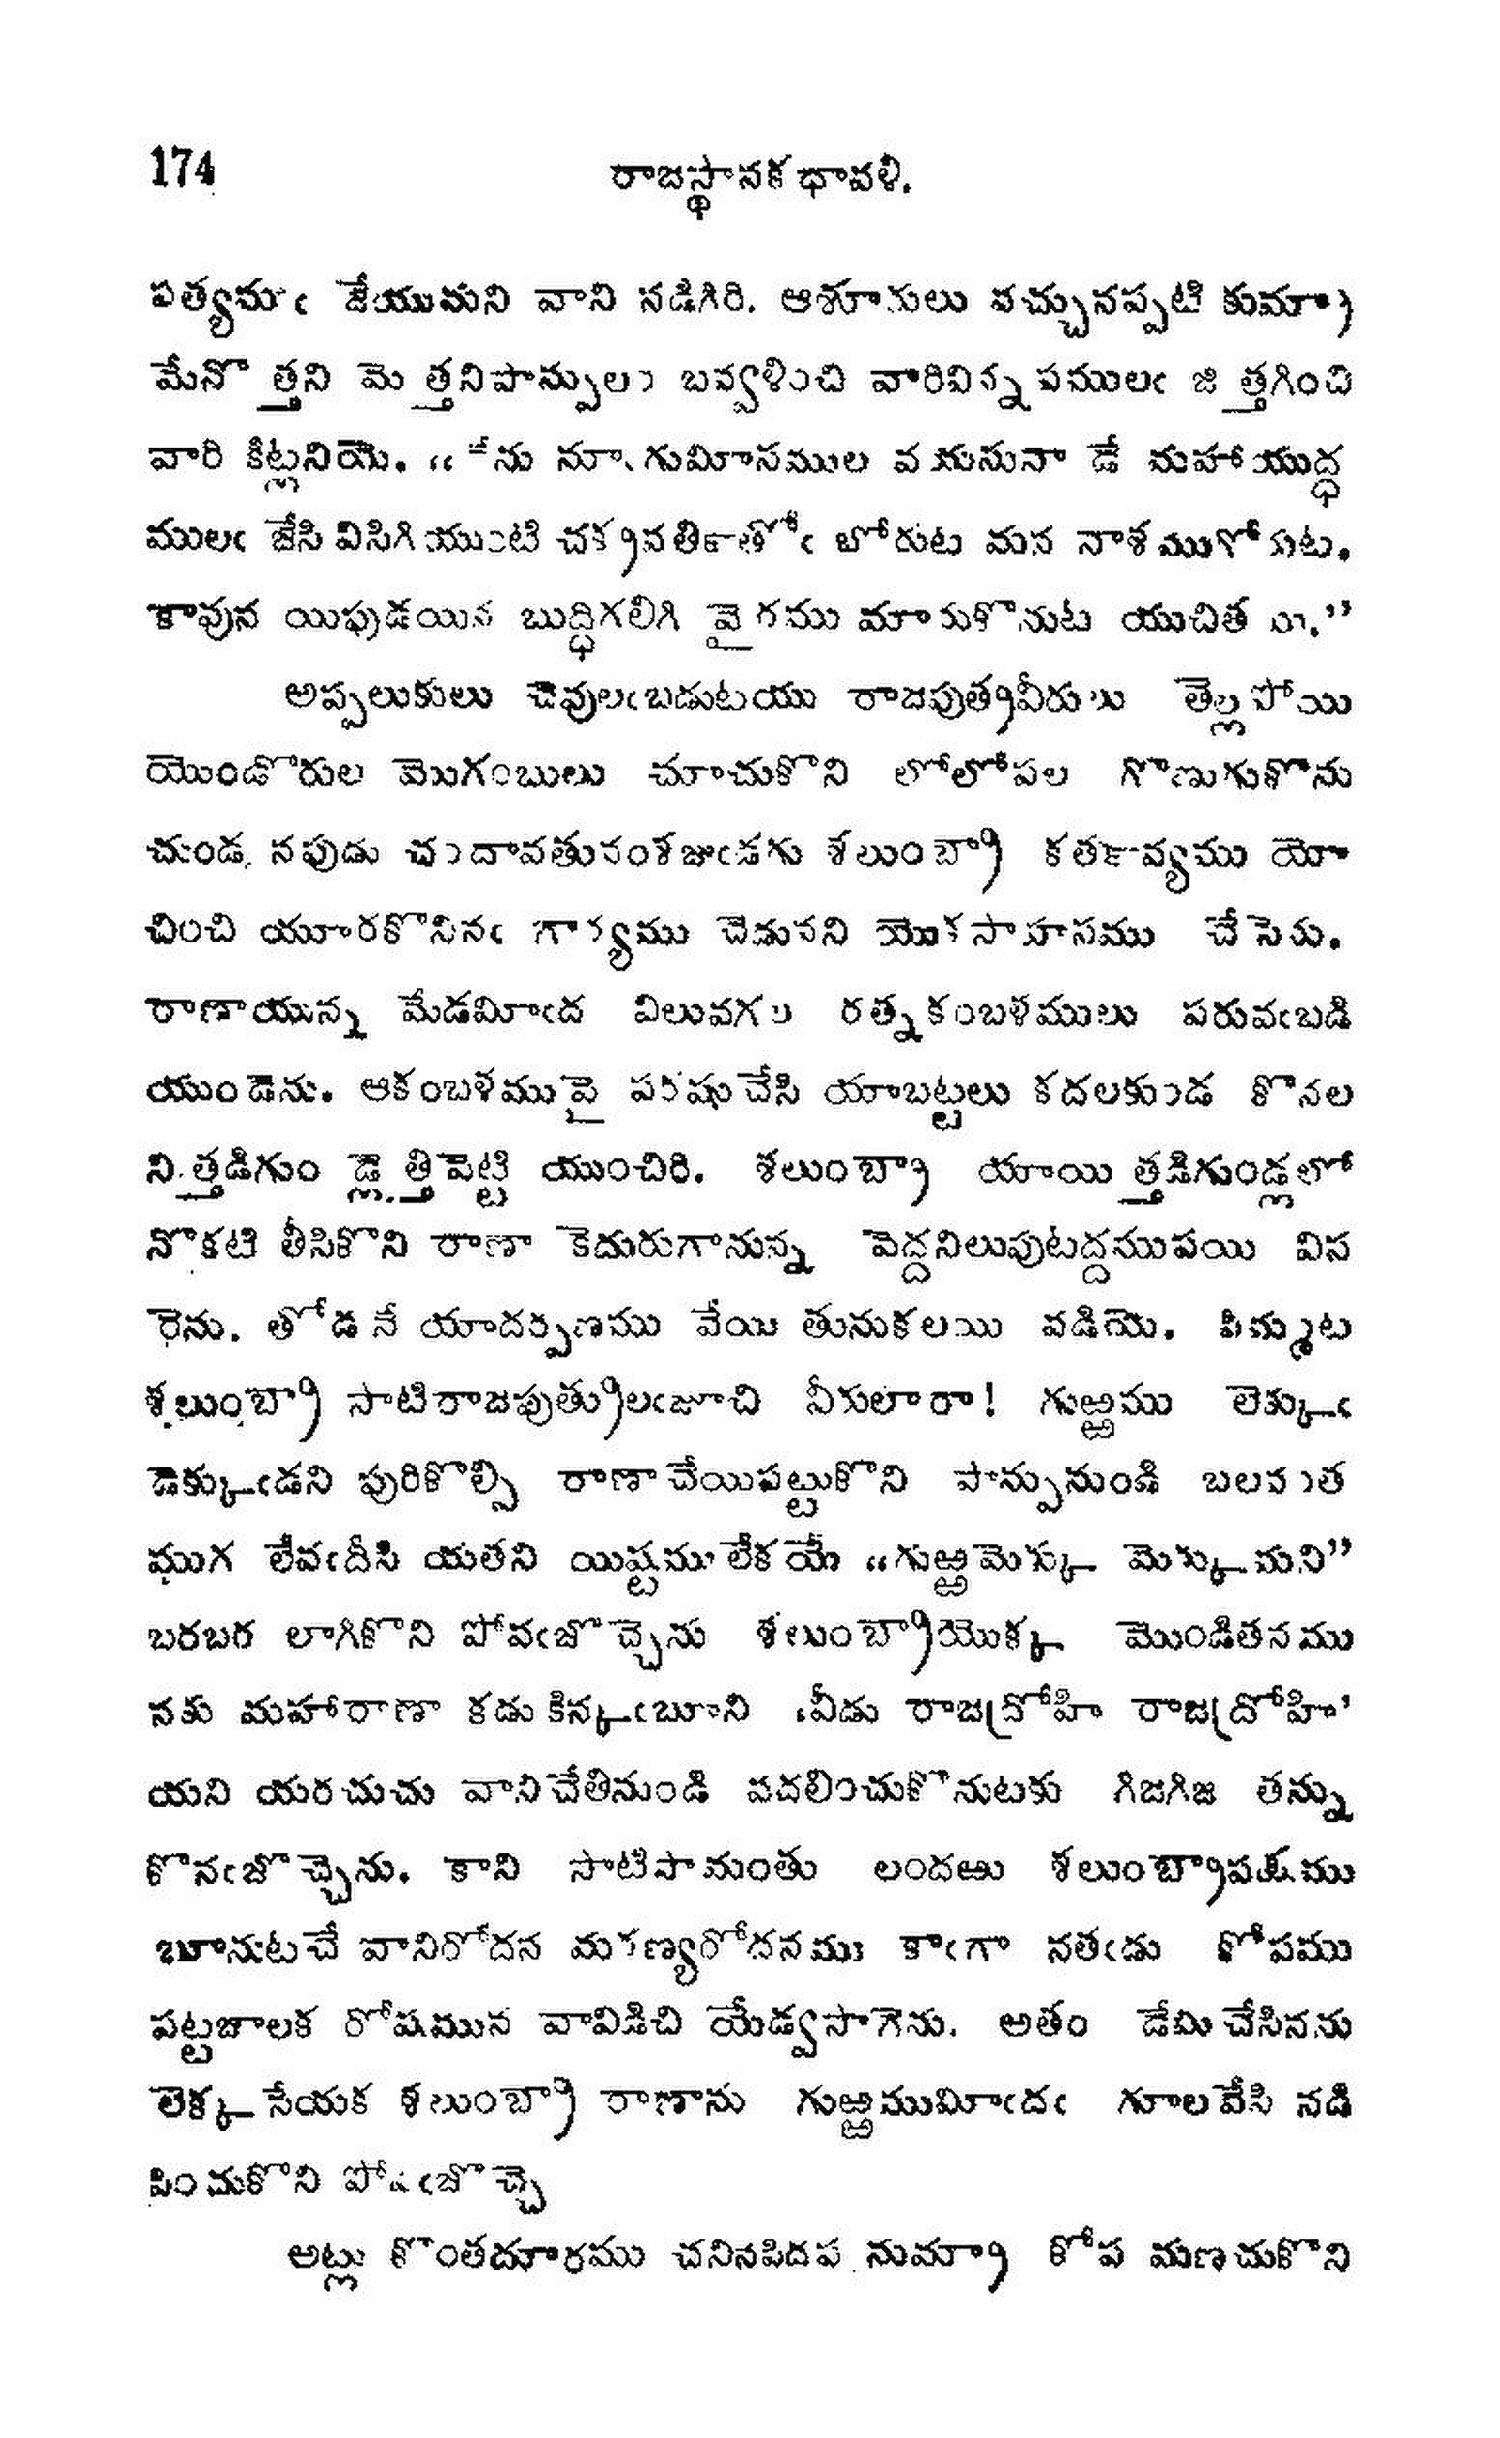పత్యముఁ జేయుమని వాని నడిగిరి. ఆశూరులు వచ్చునప్పటి కుమ్రా మేనొత్తని మెత్తని పాన్పులం బవ్వళించి వారి విన్నపములఁ జిత్తగించి
వారి కిట్లనియె. "నేను నూనుగుమీసముల వయసునాడే మహా యుద్ధములఁ జేసి విసిగి యుంటి చక్రవతి౯తోఁ బోరుట మన నాశముగోరుట.
కావున యిపుడయిన బుద్ధిగలిగి వైరము మానుకొనుట యుచితము.”

అప్పలుకులు చెవులఁ బడుటయు రాజపుత్ర వీరులు తెల్ల పోయి యొండొరుల మొగంబులు చూచుకొని లోలోపల గొణుగుకొనుచుండ, నపుడు చందావతు వంశజుఁడగు శలుంబ్రా కత౯వ్యము యోచించి యూరకొనినఁ గార్యము చెడునని యొక సాహసము చేసెను. రాణాయున్న మేడమీఁద విలువగల రత్నకంబళములు పరువఁబడి యుండెను. ఆకంబళము పై పరషు చేసి యాబట్టలు కదలకుండ కొనల
నిత్తడిగుం డ్లెత్తి పెట్టి యుంచిరి. శలుంబ్రా యాయిత్తడిగుండ్లలో నొకటి తీసికొని రాణా కెదురుగానున్న పెద్దనిలుపుటద్దముపయి విస
రెను. తోడనే యాదర్పణము వేయి తునుకలయి వడియె. పిమ్మట శలుంబ్రా సాటి రాజపుత్రులఁజూచి వీరులారా ! గుఱ్ఱము లెక్కుఁ
డెక్కుఁడని పురికొల్పి రాణా చేయి పట్టుకొని పాన్పునుండి బలవంతముగ లేవఁదీసి యతని యిష్టము లేకయే "గుఱ్ఱ మెక్కు మెక్కుమని”
బరబగ లాగికొని పోవఁజొచ్చెను శలుంబ్రా యొక్క మొండితనము నకు మహారాణా కడు కిన్కఁబూని 'వీడు రాజద్రోహి రాజద్రోహీయని యరచుచు వాని చేతినుండి వదలించుకొనుటకు గిజగిజ తన్ను కొనఁజొచ్చెను. కాని సాటిసామంతు లందఱు శలుంబ్రా పక్షము బూనుటచే '
వానిరోదన మరణ్య రోదనము కాఁగా నతఁడు కోపము పట్టజాలక రోషమున వావిడిచి యేడ్వసాగెను. అతం డేమి చేసినను లెక్క సేయక శలుంబ్రా రాణాను గుఱ్ఱముమీఁదఁ గూలవేసి నడిపించుకొని పోవంజోచ్చె.

అట్లు కొంతదూరము చనిన పిదప నుమ్రా కోప మణచుకొని